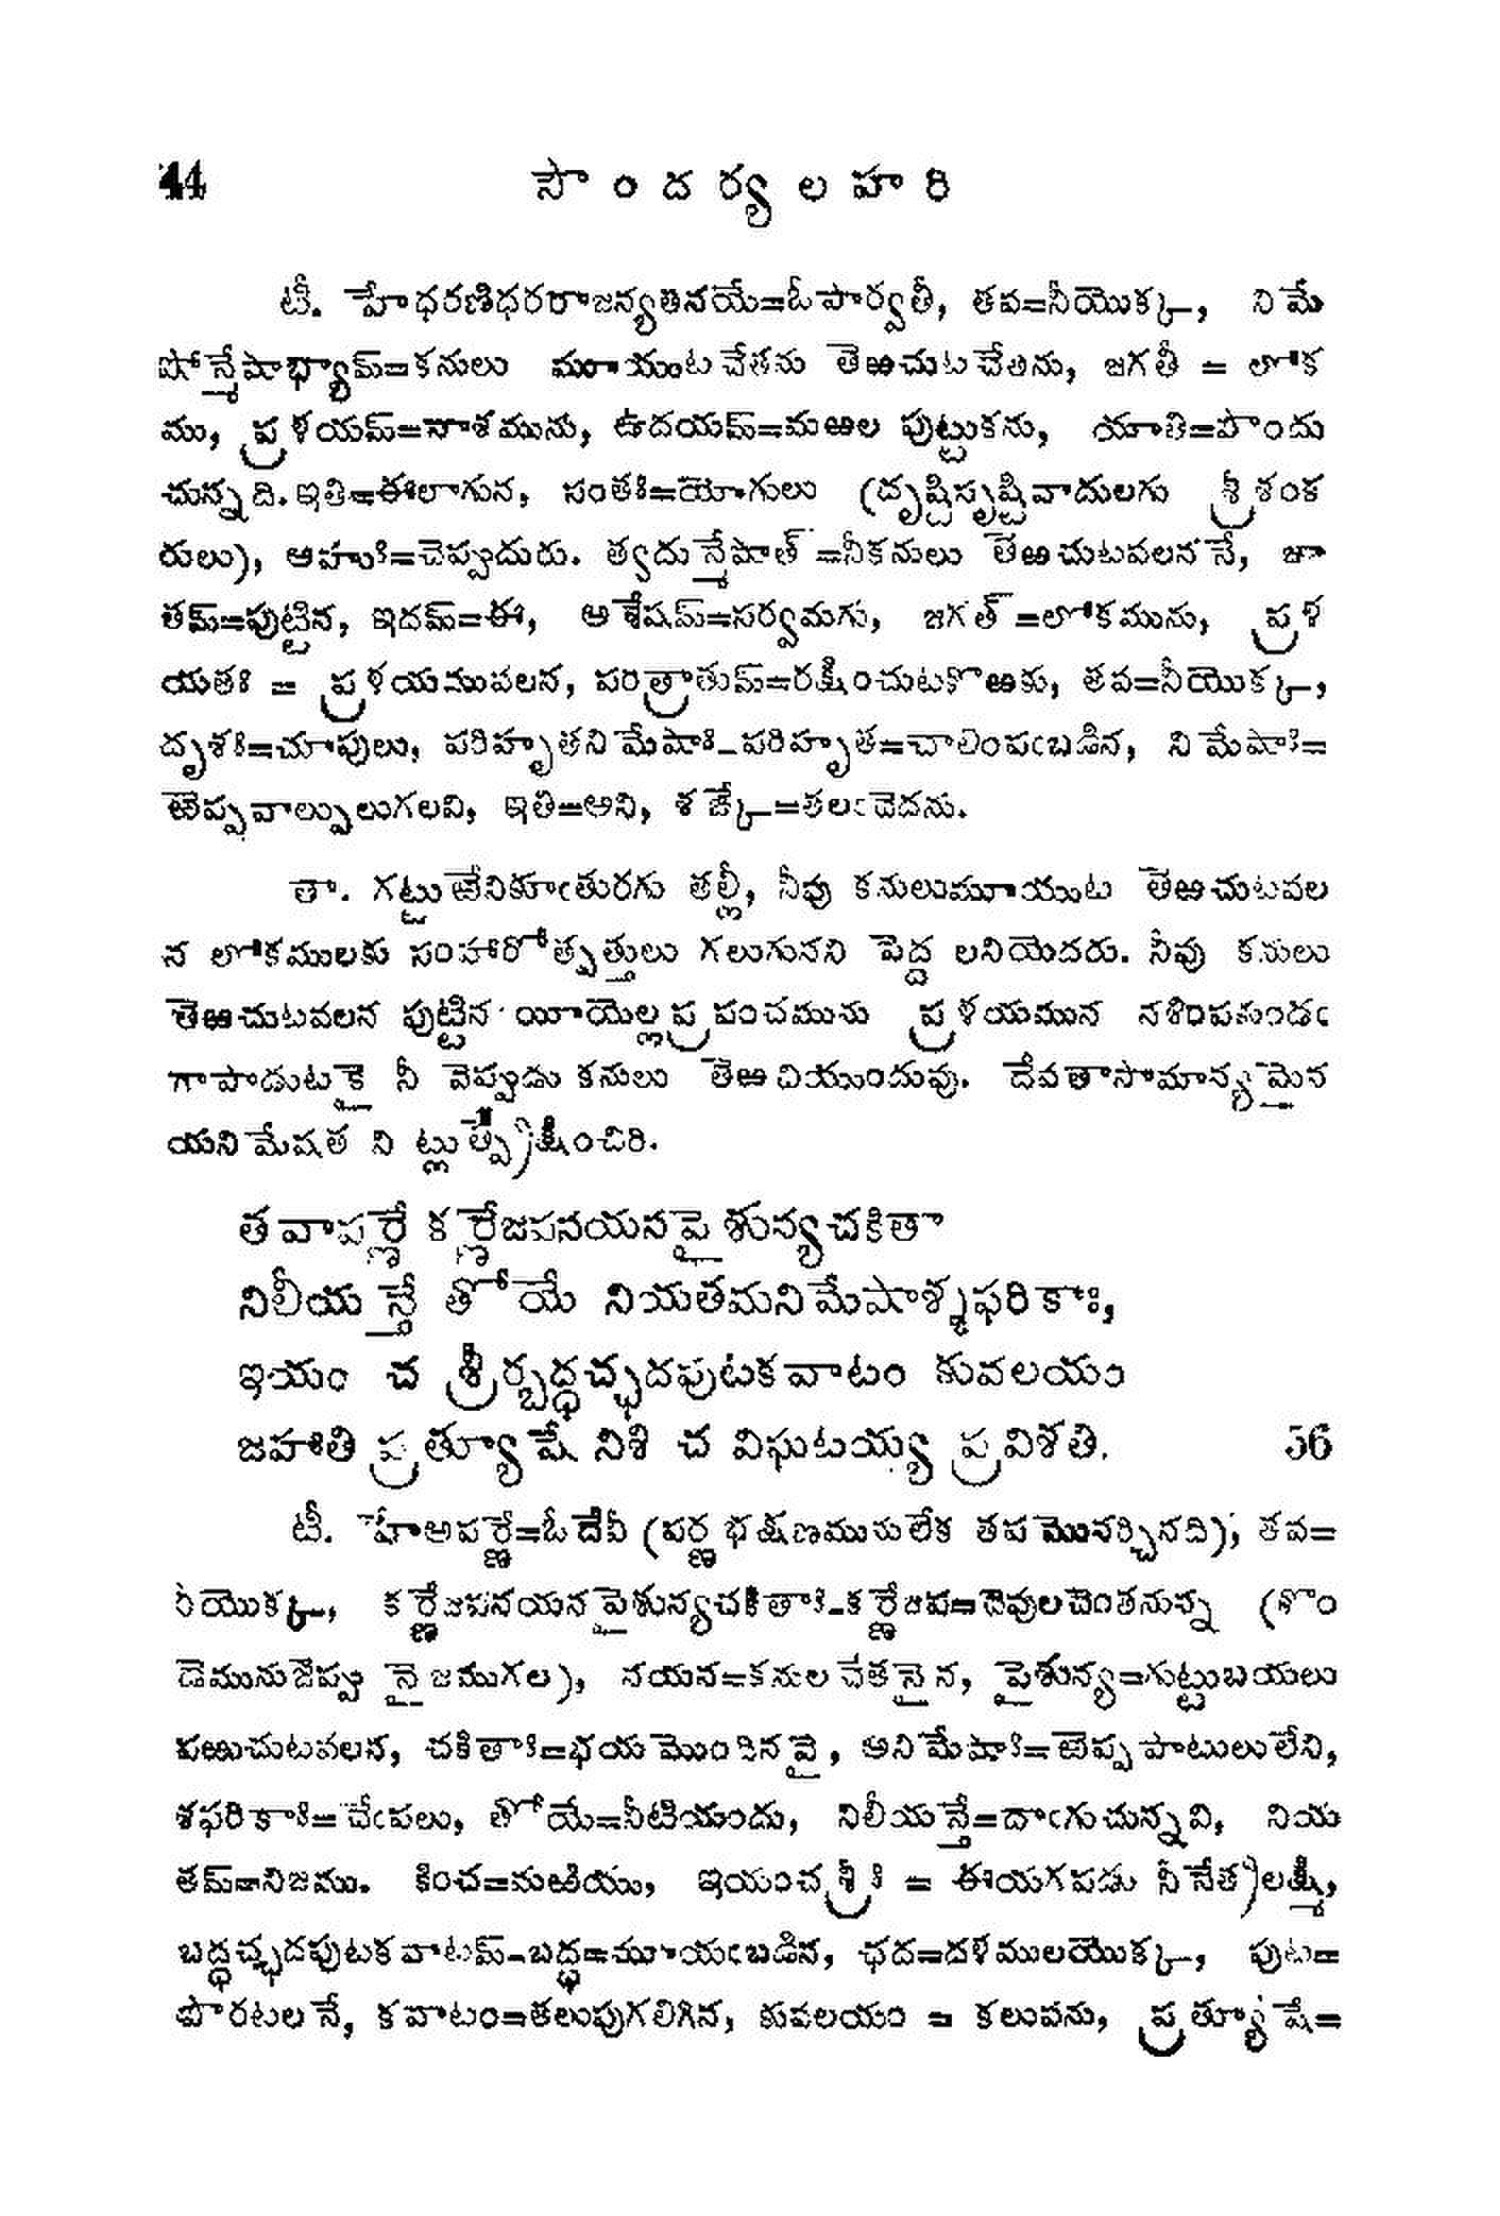టీ. హేధరణిధరరాజన్యతనయే = ఓపార్వతీ, తవ = నీయొక్క, నిమేషోన్మేషాభ్యామ్ = కనులు మూయుటచేతను తెఱచుటచేతను, జగతీ = లోకము, ప్రళయమ్ = నాశమును, ఉదయమ్ = మఱల పుట్టుకను, యాతి = పొందుచున్నది. ఇతి = ఈలాగున, సంతః = యోగులు (దృష్టిసృష్టివాదులగు శ్రీశంకరులు), అహుః = చెప్పుదురు. త్వదున్మేషాత్ = నీకనులు తెఱచుటవలననే, జాతమ్ = పుట్టిన, ఇదమ్ = ఈ, అశేషమ్ = సర్వమగు, జగత్ = లోకమును, ప్రళయతః = ప్రళయమువలన, పరిత్రాతుమ్ = రక్షించుటకొఱకు, తవ = నీయొక్క, దృశః = చూపులు, పరిహృతనిమేషాః-పరిహృత = చాలింపఁబడిన, నిమేషాః = ఱెప్పవాల్పులుగలవి, ఇతి = అని, శఙ్కే = తలఁచెదను.

తా. గట్టుఱేనికూఁతురగు తల్లీ, నీవు కనులుమూయుట తెఱచుటవలన లోకములకు సంహారోత్పత్తులు గలుగునని పెద్ద లనియెదరు. నీవు కనులు తెఱచుటవలన పుట్టిన యీయెల్లప్రపంచమును ప్రళయమున నశింపకుండఁ గాపాడుటకై నీ వెప్పుడు కనులు తెఱచియుందువు. దేవతాసామాన్యమైన యనిమేషత ని ట్లుత్ప్రేక్షించిరి.

తవాపర్ణే కర్ణేజపనయనపైశున్యచకితా
నిలీయన్తే తోయే నియతమనిమేషాశ్శఫరికాః,
ఇయం చ శ్రీర్బద్ధచ్ఛదపుటకవాటం కువలయం
జహాతి ప్రత్యూషే నిశి చ విఘటయ్య ప్రవిశతి. 56
టీ. హేఅపర్ణే = ఓదేవీ (పర్ణభక్షణమునులేక తప మొనర్చినది), తవ = నీయొక్క, కర్ణేజపనయనపైశున్యచకితాః-కర్ణేజప = చెవులచెంతనున్న (కొండెమునుజెప్పు నైజముగల), నయన = కనులచేతనైన, పైశున్య = గుట్టుబయలు పఱచుటవలన, చకితాః = భయమొందినవై, అనిమేషాః = ఱెప్పపాటులులేని, శఫరికాః = చేఁపలు, తోయే = నీటియందు, నిలీయన్తే = దాఁగుచున్నవి, నియతమ్ = నిజము, కించ = మఱియు, ఇయంచశ్రీః = ఈయగపడు నీనేత్రలక్ష్మి, బద్ధచ్ఛదపుటకవాటమ్-బద్ధ = మూయఁబడిన, ఛద = దళములయొక్క, పుట = పొరటలనే, కవాటం = తలుపుగలిగిన, కువలయం = కలువను, ప్రత్యూషే =